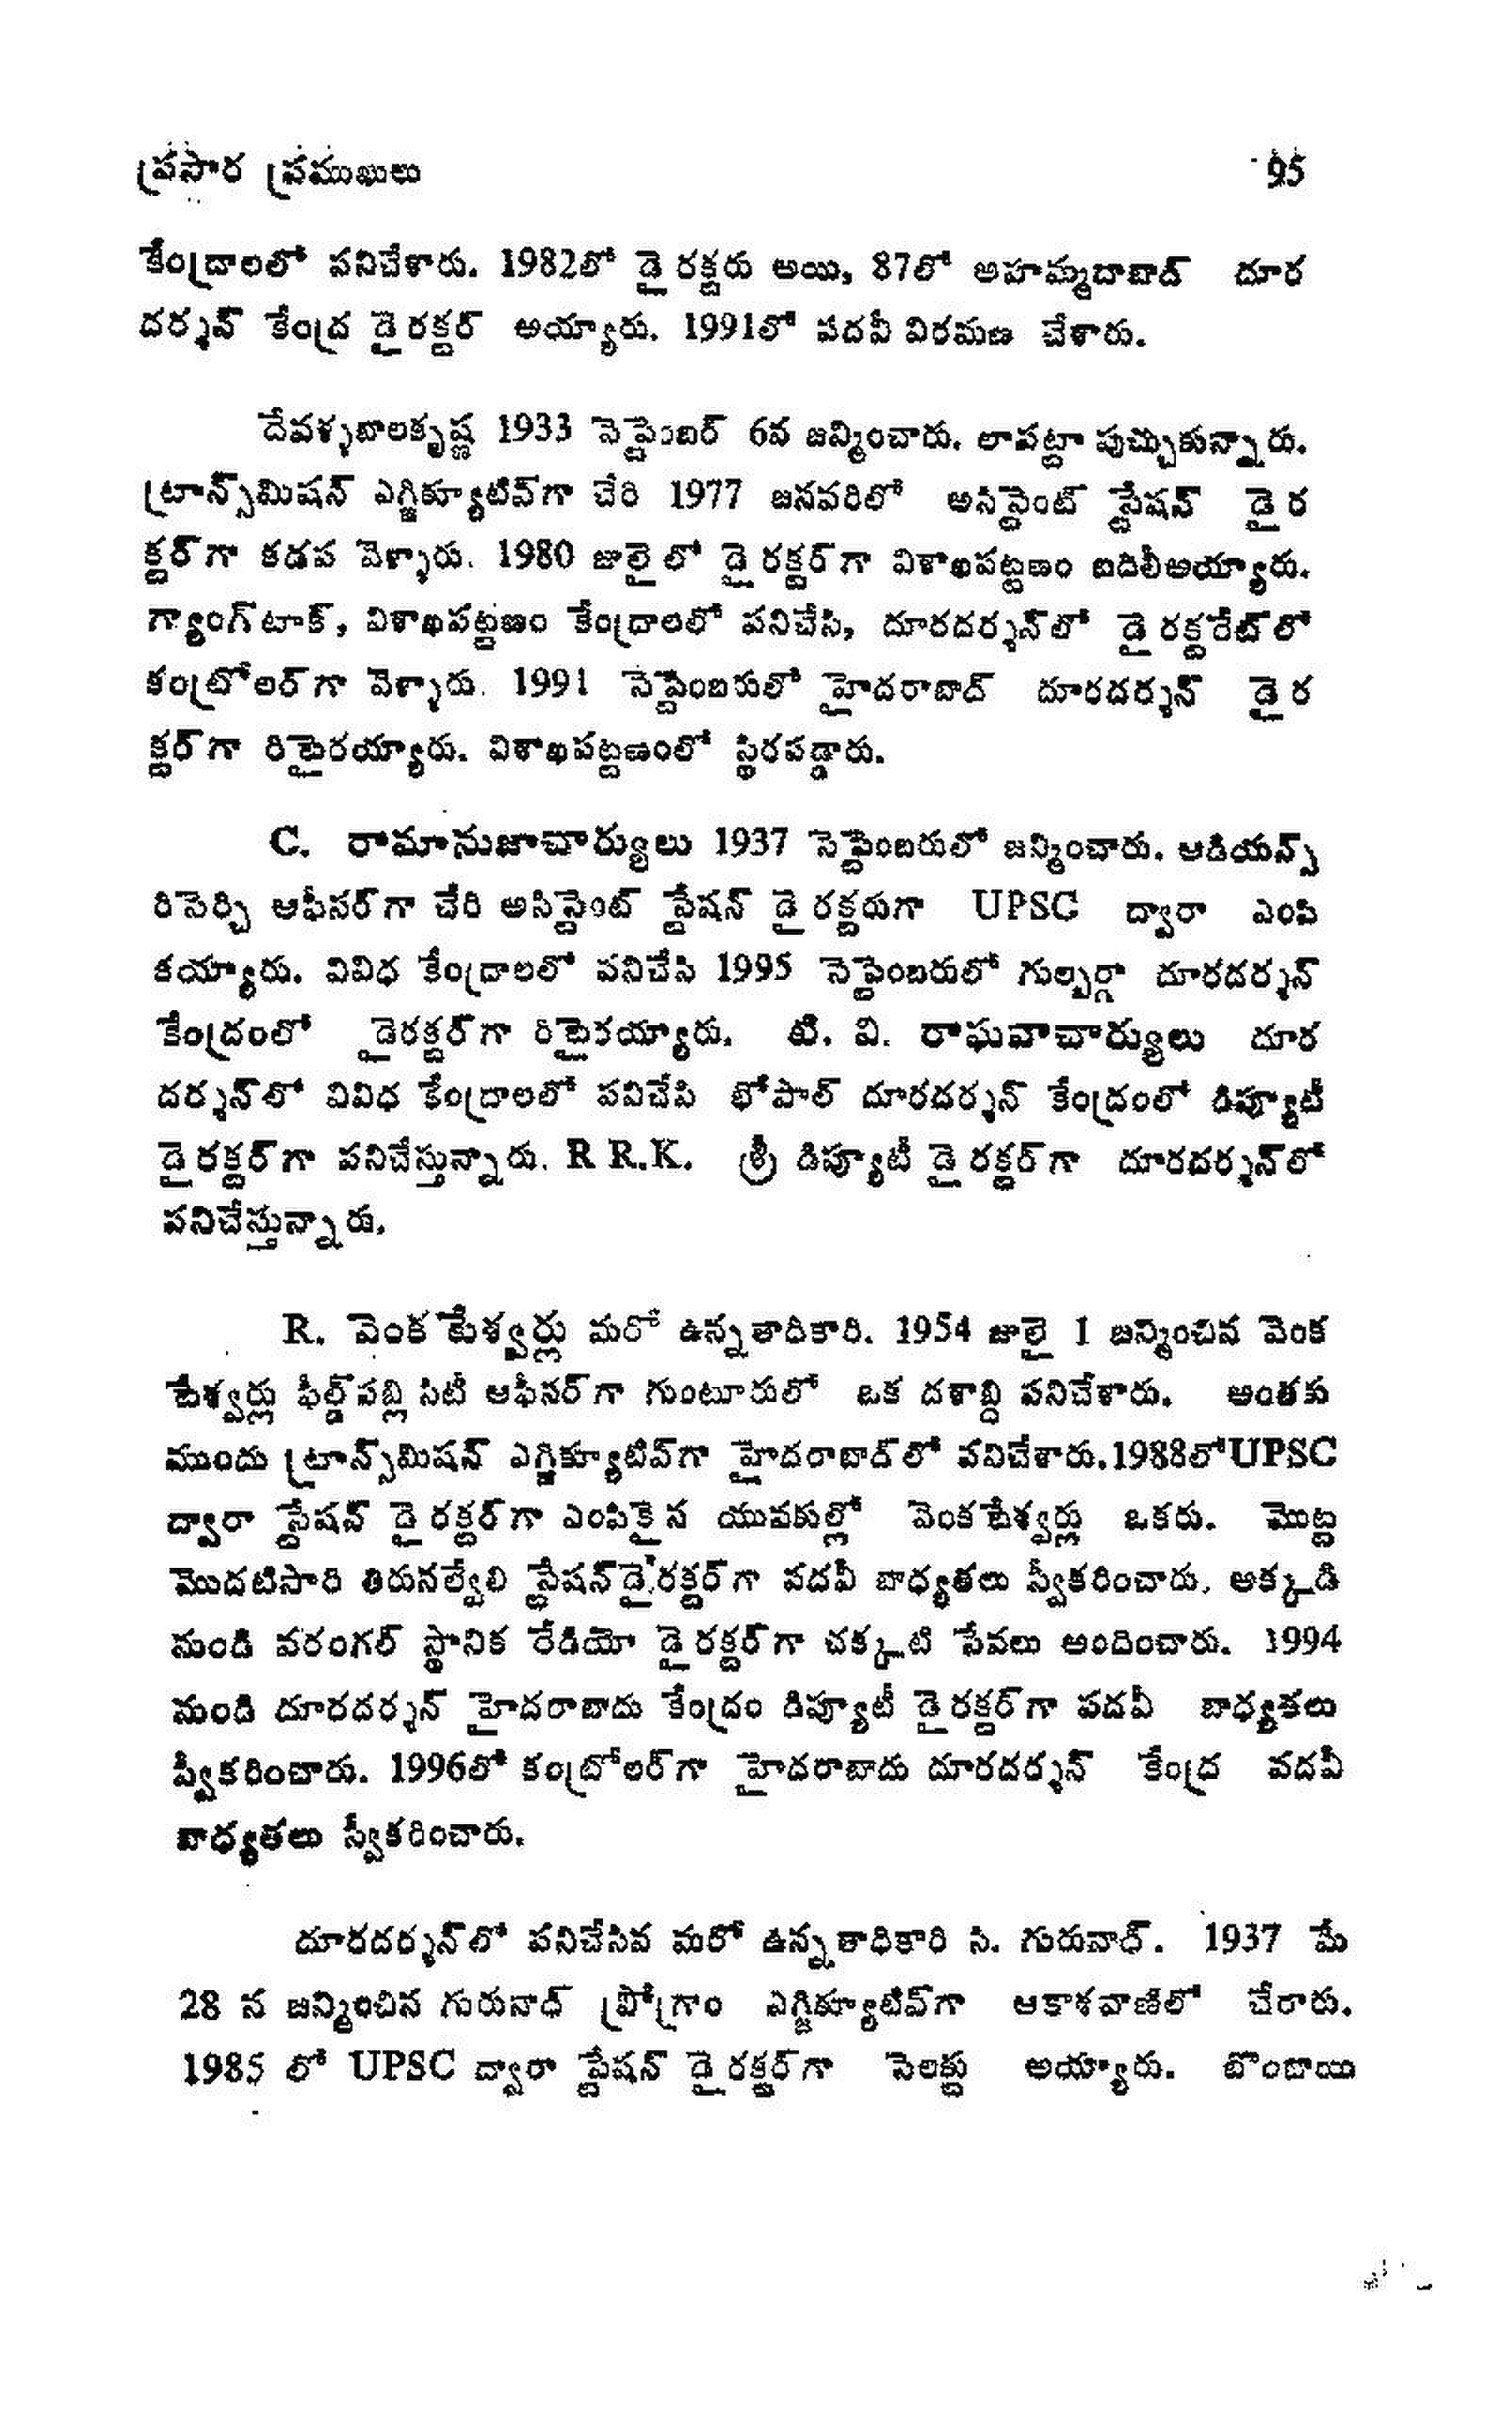కేంద్రాలలో పనిచేశారు. 1982లో డైరక్టరు అయి, 1987లో అహమ్మదాబాద్ దూరదర్శన్ కేంద్ర డైరక్టర్ అయ్యారు. 1991లో పదవీ విరమణ చేశారు.

దేవళ్ళబాలకృష్ణ 1933 సెప్టెంబర్ 6న జన్మించారు. లాపట్టా పుచ్చుకున్నారు. ట్రాన్స్‌మిషన్ ఎగ్జిక్యూటివ్‌గా చేరి 1977 జనవరిలో అసిస్టెంట్ స్టేషన్ డైరక్టర్‌గా కడప వెళ్ళారు. 1980 జులైలో డైరక్టర్‌గా విశాఖపట్టణం బదిలీఅయ్యారు. గ్యాంగ్‌టాక్, విశాఖపట్టణం కేంద్రాలలో పనిచేసి, దూరదర్శన్‌లో డైరక్టరేట్‌లో కంట్రోలర్ గా వెళ్ళారు. 1991 సెప్టెంబరులో హదరాబాద్ దూరదర్శన్ డైరక్టర్‌గా రిటైరయ్యారు. విశాఖపట్టణంలో స్థిరపడ్డారు.

C. రామానుజాచార్యులు 1937 సెప్టంబరులో జన్మించారు. ఆడియన్స్ రీసెర్చి ఆఫీసర్ గా చేరి అసిస్టెంట్ స్టేషన్ డైరక్టరుగా UPSC ద్వారా ఎంపికయ్యారు. వివిధ కేంద్రాలలో పనిచేసి 1995 సెప్టెంబరులో గుల్బర్గా దూరదర్శన్ కేంద్రంలో డైరక్టర్‌గా రిటైరయ్యారు. టి. వి రాఘవాచార్యులు దూరదర్శన్‌లో వివిధ కేంద్రాలలో పనిచేసి భోపాల్ దూరదర్శన్ కేంద్రంలో డిప్యూటీ డైరక్టర్‌గా పనిచేస్తున్నారు. R. R. K. శ్రీ డిప్యూటీ డైరక్టర్‌గా దూరదర్శన్‌లో పనిచేస్తున్నారు.

R. వెంకటేశ్వర్లు మరో ఉన్నతాదికారి. 1954 జులై 1 జన్మించిన వెంకటేశ్వర్లు ఫీల్డ్‌పబ్లిసిటీ ఆఫీసర్‌గా గుంటూరులో ఒక దశాబ్ది పనిచేశారు. అంతకు ముందు ట్రాన్స్‌మిషన్ ఎగ్జిక్యూటివ్‌గా హైదరాబాద్‌లో పనిచేశారు. 1988లో UPSC ద్వారా స్టేష డైరక్టర్‌గా ఎంపికయైన యువకుల్లో వెంకటేశ్వర్లు ఒకరు. మొట్టమొదటిసారి తిరునల్వేలి స్టేషన్‌డైరక్టర్‌గా పదవీ బాధ్యతలు స్వీకరించారు. అక్కడి నుండి వరంగల్ స్థానిక రేడియో డైరక్టర్‌గా చక్కటి సేవలు అందించారు. 1994 నుండి దూరదర్శన్ హైదరాబాదు కేంద్రం డిప్యూటీ డైరక్టర్‌గా పదవీ బాధ్యతలు స్వీకరించారు. 1996లో కంట్రోలర్‌గా హైదరాబాదు దూరదర్శన్ కేంద్ర పదవీ బాధ్యతలు స్వీకరించారు.

దూరదర్శన్‌లో పనిచేసిన మరో ఉన్నతాధికారి సి. గురునాద్. 1937 మే 28న జన్మించిన గురునాద్ ప్రోగ్రాం ఎగ్జిక్యూటివ్‌గా ఆకాశవాణిలో చేరారు. 1985 లో UPSC ద్వారా స్టేషన్ డైరక్టర్‌గా సెలక్టు అయ్యారు. బొంబాయి